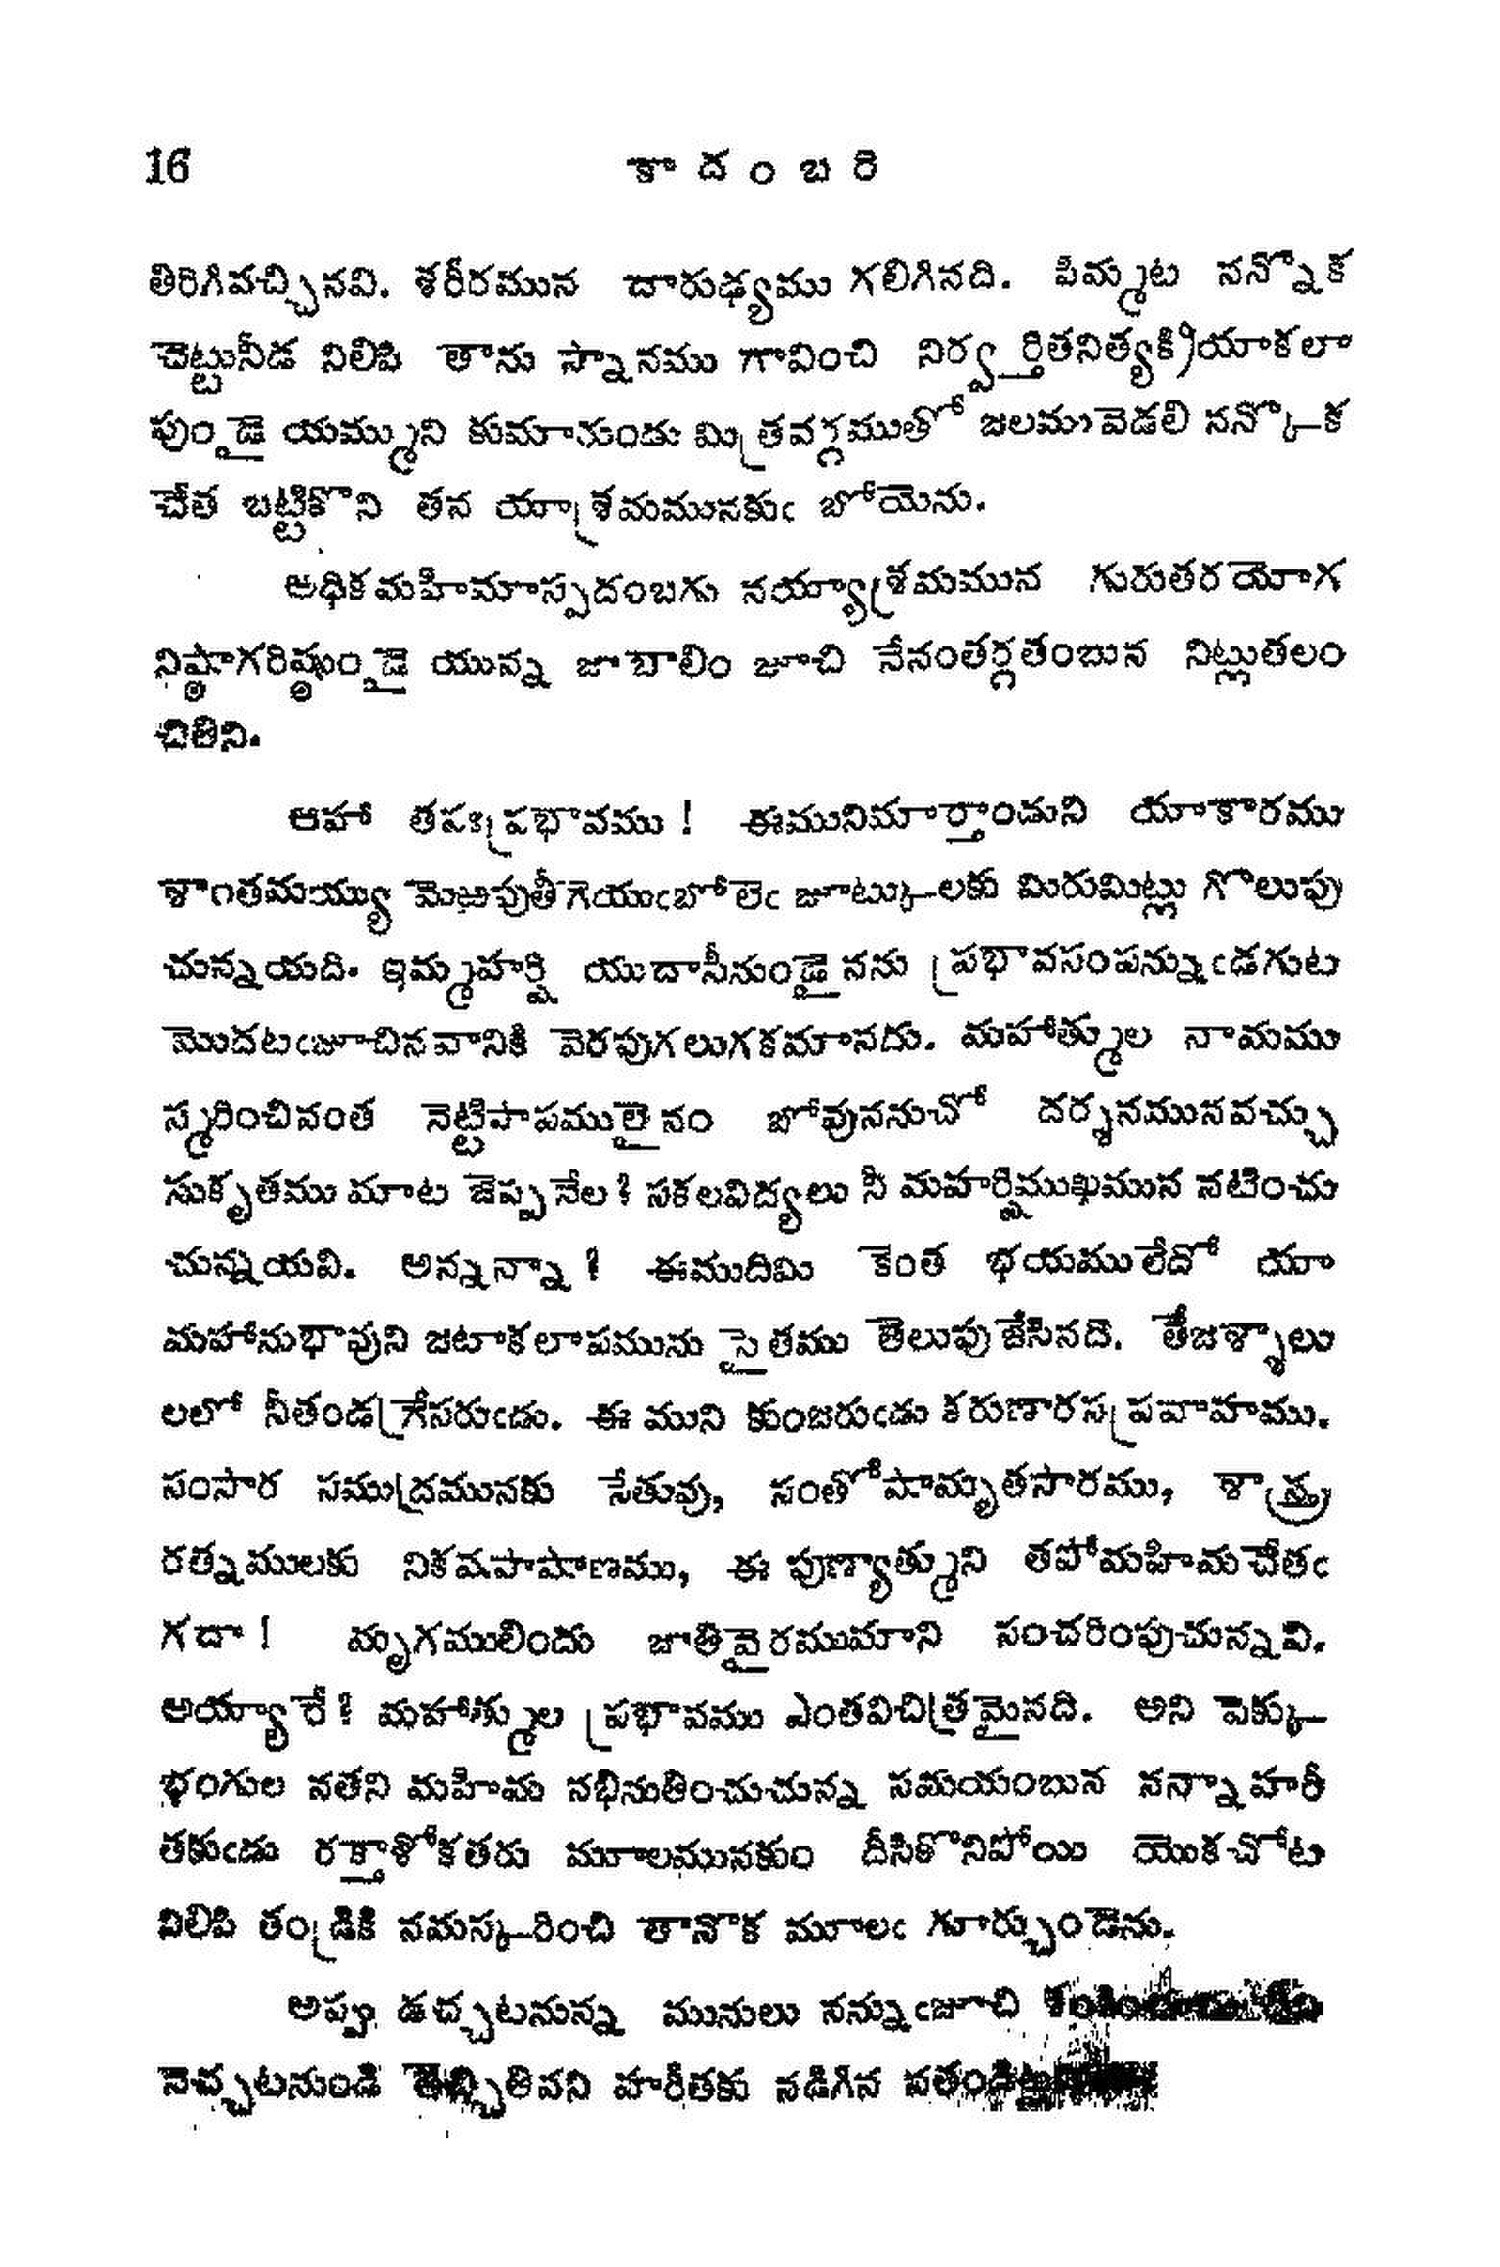తిరిగివచ్చినవి. శరీరమున దారుఢ్యము గలిగినది. పిమ్మట నన్నొక చెట్టునీడ నిలిపి తాను స్నానము గావించి నిర్వర్తితనిత్యక్రియాకలాపుండై యమ్ముని కుమారుండు మిత్రవర్గముతో జలమువెడలి నన్నొకచేత బట్టికొని తన యాశ్రమమునకుఁ బోయెను.

అధికమహిమాస్పదంబగు నయ్యాశ్రమమున గురుతరయోగ నిష్ఠాగరిష్ఠుండై యున్న జాబాలిం జూచి నేనంతర్గతంబున నిట్లుతలంచితిని.

ఆహా తపఃప్రభావము! ఈమునిమార్తాండుని యాకారము శాంతమయ్యు మెఱపుతీగెయుఁబోలెఁ జూట్కులకు మిరుమిట్లు గొలుపుచున్నయది. ఇమ్మహర్షి యుదాసీనుండైనను ప్రభావసంపన్నుఁడగుట మొదటఁజూచినవానికి వెరపుగలుగకమానదు. మహాత్ముల నామము స్మరించినంత నెట్టిపాపములైనం బోవుననుచో దర్శనమునవచ్చు సుకృతము మాట జెప్పనేల? సకలవిద్యలు నీ మహర్షిముఖమున నటించుచున్నయవి. అన్నన్నా? ఈముదిమి కెంత భయములేదో యా మహానుభావుని జటాకలాపమును సైతము తెలుపుజేసినది. తేజశ్శాలులలో నీతండగ్రేసరుఁడు. ఈ ముని కుంజరుఁడు కరుణారసప్రవాహము. సంసార సముద్రమునకు సేతువు, సంతోషామృతసారము, శాస్త్ర రత్నములకు నికషపాషాణము, ఈ పుణ్యాత్ముని తపోమహిమచేతఁ గదా! మృగములిందు జాతివైరముమాని సంచరింపుచున్నవి. అయ్యారే? మహాత్ముల ప్రభావము ఎంతవిచిత్రమైనది. అని పెక్కుభంగుల నతని మహిమ నభినుతించుచున్న సమయంబున నన్నాహరీతకుఁడు రక్తాశోకతరు మూలమునకుం దీసికొనిపోయి యొకచోట నిలిపి తండ్రికి నమస్కరించి తానొక మూలఁ గూర్చుండెను.

అప్పు డచ్చటనున్న మునులు నన్నుఁజూచి శంకించుచు దీని నెచ్చటనుండి తెచ్చితివని హరీతకు నడిగిన నతండిట్లనియే